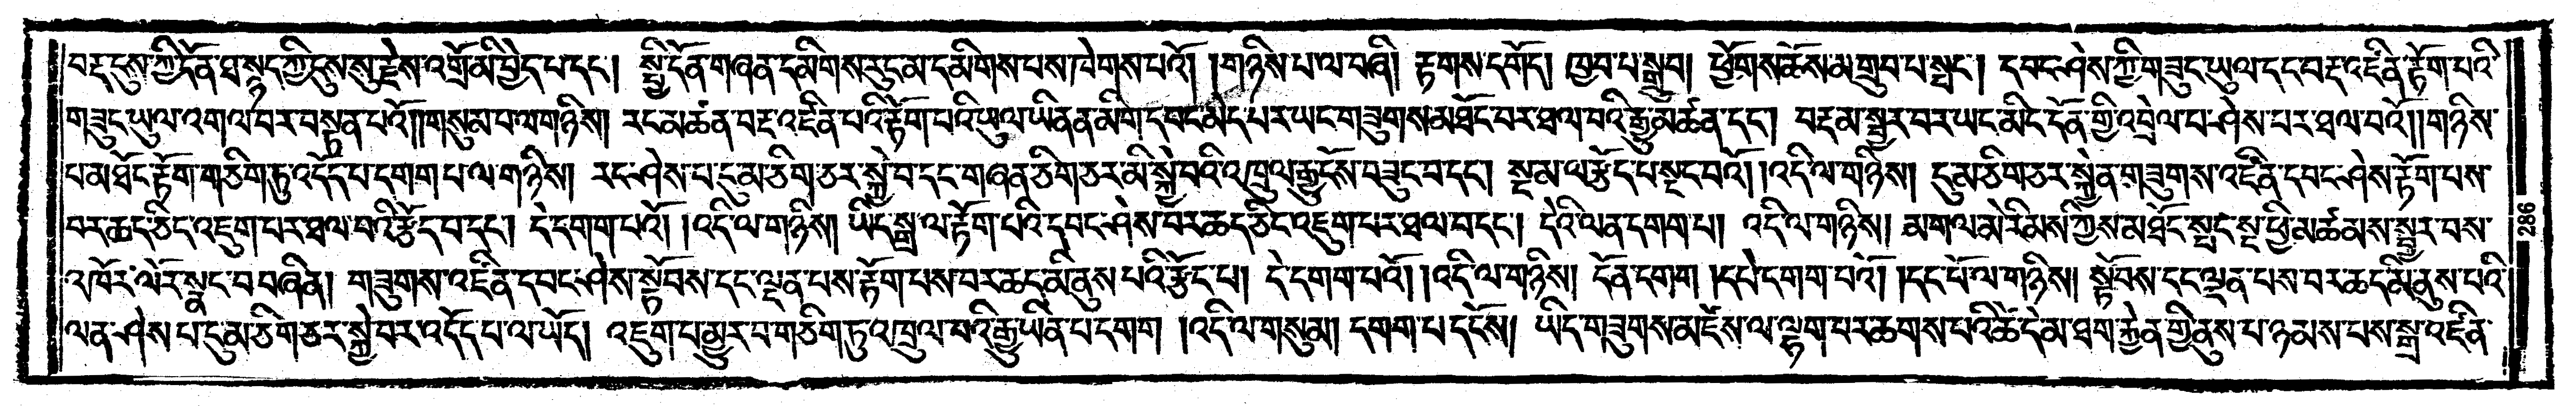བརྡ་དུས་ཀྱི་དོན་ཐ་སྙད་ཀྱི་དུས་སུ་རྗེས་འགྲོ་མི་བྱེད་པ་དང་། སྤྱི་དོན་གཞན་དམིགས་རུང་མ་དམིགས་པས་ཁེགས་པའོ། །གཉིས་པ་ལ་བཞི། རྟགས་དགོད། ཁྱབ་པ་སྒྲུབ། ཕྱོགས་ཆོས་མ་གྲུབ་པ་སྤང་། དབང་ཤེས་ཀྱི་གཟུང་ཡུལ་དང་བརྡ་འཛིན་རྟོག་པའི་
གཟུང་ཡུལ་འགལ་བར་བསྟན་པའོ། །གསུམ་པ་ལ་གཉིས། རང་མཚན་བརྡ་འཛིན་པའི་རྟོག་པའི་ཡུལ་ཡིན་ན་མིག་དབང་མེད་པར་ཡང་གཟུགས་མཐོང་བར་ཐལ་བའི་རྒྱུ་མཚན་དང་། བརྡ་མ་སྦྱར་བར་ཡང་མིང་དོན་གྱི་འབྲེལ་པ་ཤེས་པར་ཐལ་བའོ། །གཉིས་
པ་མཐོང་རྟོག་གཅིག་ཏུ་འདོད་པ་དགག་པ་ལ་གཉིས། རང་ཤེས་པ་དུ་མ་ཅིག་ཅར་སྐྱེ་བ་དང་གཞན་ཅིག་ཅར་མི་སྐྱེ་བའི་འཁྲུལ་རྒྱུ་ངོས་བཟུང་བ་དང་། སྔ་མ་ལ་རྩོད་པ་སྤང་བའོ། །འདི་ལ་གཉིས། དུ་མ་ཅིག་ཅར་སྐྱེ་ན་གཟུགས་འཛིན་དབང་ཤེས་རྟོག་པས་
བར་ཆད་ཅིང་འཇུག་པར་ཐལ་བའི་རྩོད་པ་དང་། དེ་དགག་པའོ། །འདི་ལ་གཉིས། ཡིད་སྒྲ་ལ་རྟོག་པའི་དབང་ཤེས་བར་ཆད་ཅིང་འཇུག་པར་ཐལ་བ་དང་། དེའི་ལན་དགག་པ། འདི་ལ་གཉིས། མགལ་མེ་རིམས་ཀྱིས་མཐོང་སྤང་སྔ་ཕྱི་མཚམས་སྦྱར་བས་
འཁོར་ལོར་སྣང་བ་བཞིན། གཟུགས་འཛིན་དབང་ཤེས་སྟོབས་དང་ལྡན་པས་རྟོག་པས་བར་ཆད་མི་ནུས་པའི་རྩོད་པ། དེ་དགག་པའོ། །འདི་ལ་གཉིས། དོན་དགག །དཔེ་དགག་པའོ། །དང་པོ་ལ་གཉིས། སྟོབས་དང་ལྡན་པས་བར་ཆད་མི་ནུས་པའི་
ལན་ཤེས་པ་དུ་མ་ཅིག་ཅར་སྐྱེ་བར་འདོད་པ་ལ་ཡོད། འཇུག་པ་མྱུར་བ་གཅིག་ཏུ་འཁྲུལ་པའི་རྒྱུ་ཡིན་པ་དགག །འདི་ལ་གསུམ། དགག་པ་དངོས། ཡིད་གཟུགས་མཛེས་ལ་ལྷག་པར་ཆགས་པའི་ཚེ་དེ་མ་ཐག་རྐྱེན་གྱི་ནུས་པ་ཉམས་པས་སྒྲ་འཛིན་